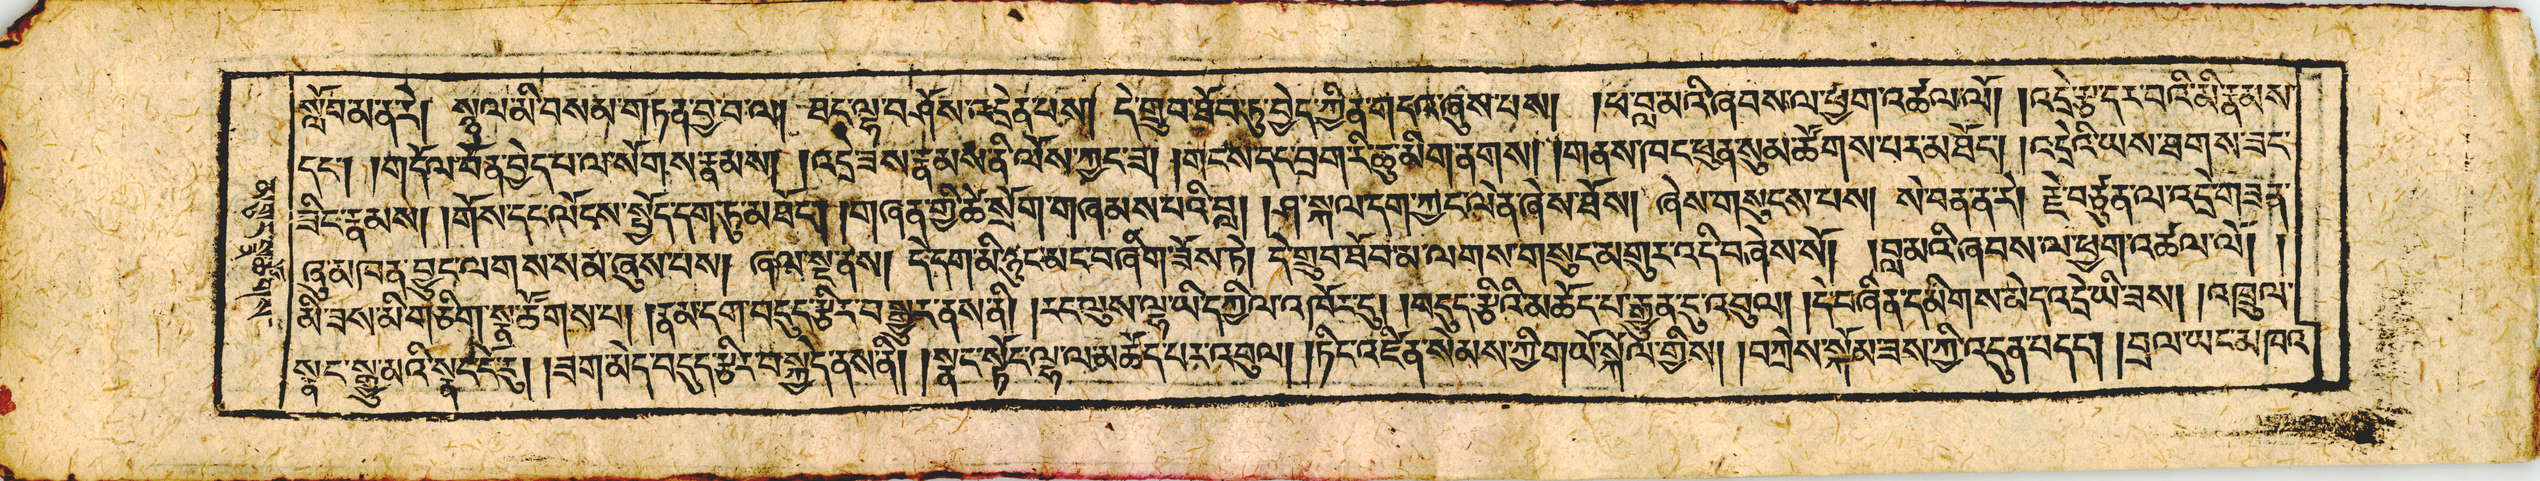སློབ་མ་ན་རེ། སྙལ་མི་བསམ་གཏན་བྱ་བ་ལ། ཐང་ལྷ་བཤོས་འདྲེན་པས། དེ་གྲུབ་ཐོབ་ཏུ་བྱེད་ཀྱིན་གདའ་ཞུས་པས། །ཕ་བླ་མའི་ཞབས་ལ་ཕྱག་འཚལ་ལོ། །འདྲེ་རྩ་དར་བའི་མི་རྣམས་
དང་། །གདོལ་བོན་བྱེད་པ་ལ་སོགས་རྣམས། །འདྲེ་ཟས་རྣམས་ནི་ལོས་ཀྱང་ཟ། །གྲངས་དང་བྲག་རི་ཆུ་མིག་ནགས། །གནས་ཁང་ཕུན་སུམ་ཚོགས་པར་མཐོང་། །འདྲེའི་ཡས་ཐགས་ཟང་
ཟིང་རྣམས། །གོས་དང་ལོངས་སྤྱོད་དག་ཏུ་མཐོང། །གཞན་གྱི་ཚེ་སྲོག་གཞམས་པའི་བླ། །ཤ་སྐལ་དག་ཀྱང་ལེན་ཞེས་ཐོས། ཞེས་གསུངས་པས། སེ་བན་ན་ར། རྗེ་བཙུན་ལ་འདྲེ་གཟན་
ཞུ་མཁན་བྱུང་ལགས་སམ་ཞུས་པས། ཞལ་སྔ་ནས། དེ་དག་མི་ཉུང་བ་ཞིག་ཟོས་ཏེ། དེ་གྲུབ་ཐོབ་མ་ལགས་གསུང་མགུར་འདི་བཞེས་སོ། །བླ་མའི་ཞབས་ལ་ཕྱག་འཚལ་ལོ། །
མི་ཟས་མི་གཅིག་སྣ་ཚོགས་པ། །རྣམ་དག་བདུད་ཕྱིར་བསྒྱུར་ནས་ནི། །རང་ལུས་ལྷ་ཡི་དཀྱིལ་འཁོར་དུ། །བདུད་རྩིའི་མཆོད་པ་རྒྱུན་དུ་འབུལ། །དེ་བཞིན་དམིགས་མེད་འདྲེ་ཡི་ཟས། །འཁྲུལ་
སྣང་སྒྱུ་མའི་སྣང་ངོ་རུ། །ཟག་མེད་བདུད་རྩིར་བསྐྱེད་ནས་ནི། །སྣང་སྟོང་ལྷ་ལ་མཆོད་པར་འབུལ། །ཏིང་འཛིན་སེམས་ཀྱི་གཡོ་སྐོལ་གྱིས། །བཀྲེས་སྐོམ་ཟས་ཀྱི་འདུན་པ་དང་། །བྲལ་ཡང་མཁའ་འགྲོ་